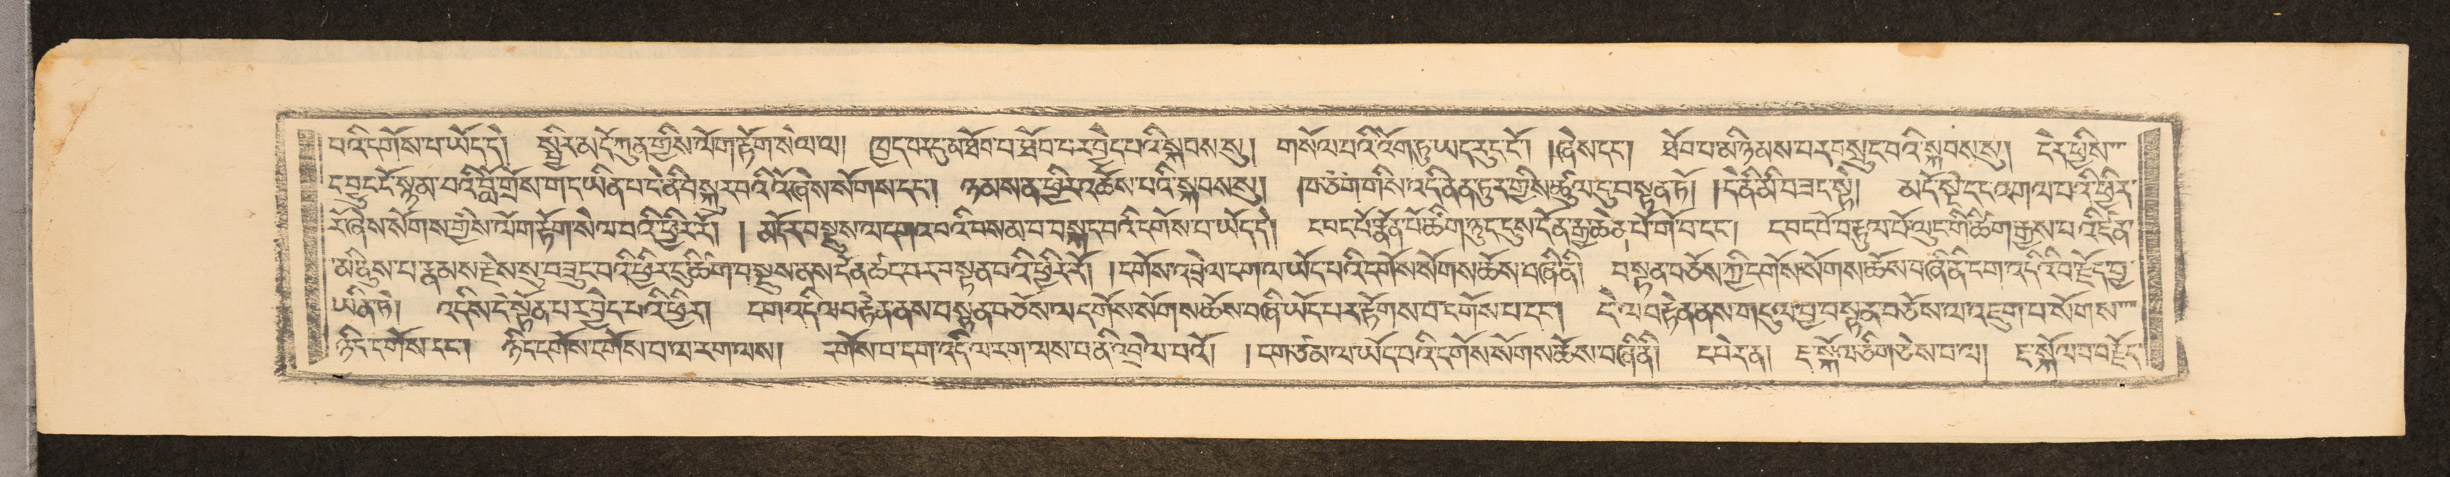བའི་དགོས་པ་ཡོད་དེ། སྦྱིར་མདོ་ཀུན་གྱིས་ལོག་རྟོག་སེལ་ལ། ཁྱད་པར་དུ། མ་ཐོབ་པར་བྱེད་པའི་སྐབས་སུ། གསོལ་པའི་འོག་ཏུ་ཡང་རུང་ངོ། །ཞེས་དང་། ཐོབ་པ་མི་ཉམས་པར་བསྲུང་པའི་སྐབས་སུ། དེར་ཕྱིས་
དབྱུང་ངོ་སྙམ་པའི་བློ་གྲོས་གང་ཡིན་པ་དེ་ནི་བསྐུར་བའི་འོ་ཞེས་སོགས་དང་། ཉམས་ན་ཕྱིར་འཆོས་པའི་སྐབས་སུ། ཁ་ཅིག་གིས་འདི་ནན་ཏུར་གྱིས་ཚུལ་དུ་བསྟན་ཏོ། །དེ་ནི་མི་བཟང་སྟེ། མདོ་སྡེ་དང་འགལ་བའི་ཕྱིར་
རོ་ཞེས་སོགས་ཀྱིས་ལོག་རྟོག་སེལ་བའི་ཕྱིར་རོ། །མདོར་བསྡུས་ལ་དགའ་བའི་བསམ་པ་བསྐང་བའི་དགོས་པ་ཡོད་དེ། དབང་པོ་རྣོན་པོ་ཚིག་ཉུང་ངུས་དོན་རྒྱ་ཆེན་པོ་གོ་བ་དང་། དབང་པོ་བརྟུལ་པོ་ལུང་གི་ཚིག་རྒྱས་པ་འཛིན་
མི་ནུས་པ་རྣམས་རྗེས་སུ་བཟུང་བའི་ཕྱིར་དུ་ཚིག་བསྡུས་ནས་དོན་ཚང་བར་བསྟན་པའི་ཕྱིར་རོ། །དགོས་འབྲེལ་ངག་ལ་ཡོད་པའི་དགོས་སོགས་ཆོས་བཞི་ནི། བསྟན་བཅོས་ཀྱི་དགོས་སོགས་ཆོས་བཞི་ནི་དག་འདིའི་བརྗོད་བྱ་
ཡིན་ཏེ། འདིས་དེ་སྟོན་པར་བྱེད་པའི་ཕྱིར། དག་འདི་ལ་བརྟེན་ནས་བསྟན་བཅོས་ལ་དགོས་སོགས་ཆོས་བཞི་ཡོད་པར་རྟོགས་པ་དགོས་པ་དང་། དེ་ལ་བརྟེན་ནས་གདུལ་བྱ་བསྟན་བཅོས་ལ་འཇུག་པ་སོགས་
ཉིད་དགོས་དང་། ཉིད་དགོས་དགོས་པ་ལ་རག་ལས། དགོས་པ་དག་འདི་ལ་རག་ལས་པ་ནི་འབྲེལ་པའོ། །དག་ཙམ་ལ་ཡོད་པའི་དགོས་སོགས་ཆོས་བཞི་ནི། དཔེར་ན། ཇ་སྐོལ་ཅིག་ཅེས་པ་ལ། ཇ་སྐོལ་བ་བརྗོད་